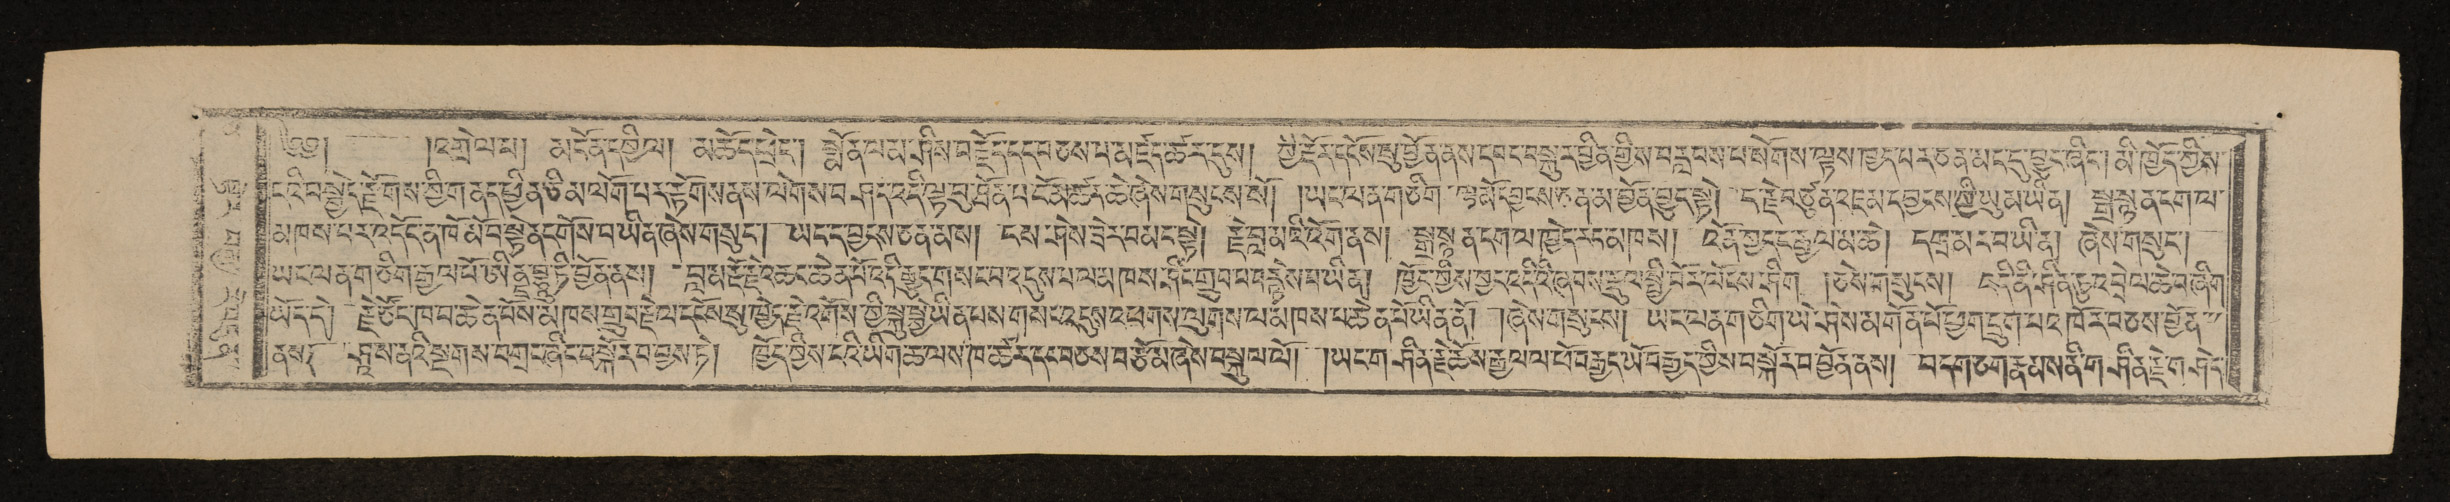༄༅། །འགྲེལ་བ། མངོན་དཀྱིལ། མཆོད་ཕྲེང་། སྨོན་ལམ་ཤིས་བརྗོད་དང་བཅས་པ་མཛད་ཚར་དུས། ཀྱཻ་རྡོར་དངོས་སུ་བྱོན་ནས་དབང་བསྐུར་བྱིན་གྱིས་བརླབས་པ་སོགས་ལྟས་ཁྱད་པར་ཅན་མང་དུ་བྱུང་ཞིང་། མི་ཁྱོད་ཀྱིས་
ངའི་བསྐྱེད་རྫོགས་ཀྱི་གནད་ཕྱིན་ཅི་མ་ལོག་པར་རྟོགས་ནས་ལེགས་བཤད་འདི་ལྟ་བུ་ཐོན་པ་ངོ་མཚར་ཆེ་ཞེས་གསུངས་སོ། །ཡང་ལན་གཅིག་ལྷ་མོ་དབྱངས་ཅན་མ་བྱོན་བྱུང་སྟེ། ང་རྗེ་བཙུན་འཇམ་དབྱངས་ཀྱི་ཡུམ་ཡིན། སྒྲ་སྙན་ངག་ལ་
མཁས་པར་འདོད་ན་ཁོ་མོ་བསྟེན་དགོས་པ་ཡིན་ཞེས་གསུང་། ཡང་དབྱང་ཅན་མས། ངས་ཤེས་ཟེར་བ་མང་སྟེ། རྗེ་བླ་མའི་འོག་ནས། སྒྲ་སྙན་ངག་ལ་ཁྱེད་རང་མཁས། འོན་ཀྱང་ང་རྒྱལ་མཆེ། དགྲ་མང་བ་ཡིན། ཞེས་གསུང་།
ཡང་ལན་གཅིག་རྒྱལ་བོ་ཨིནྡྲ་བྷཱ་ཏི་བྱོན་ནས། བླ་མ་རྡོ་རྗེ་འཆང་ཆེན་པོ་འདི་རྒྱུད་གསང་བ་འདུས་པ་ལ་མཁས་ཤིང་གྲུབ་པ་བརྙེས་པ་ཡིན། ཁྱོད་ཀྱིས་ཀྱང་འདིའི་ཞབས་རྡུལ་སྤྱི་བོར་ལོངས་ཤིག །ཅེས་གསུངས། འདི་ནི་ཤིན་ཏུ་འབྲེལ་ཆེ་བ་ཞིག་
ཡོད་དེ། རྗེ་ཙོང་ཁ་པ་ཆེན་པོས་མཁས་གྲུབ་རྗེ་ལ་དངོས་སུ་ཁྱེད་རྗེ་འགོས་ཀྱི་སྐུ་སྐྱེ་ཡིན་པས་གསང་འདུས་འཕགས་ལུགས་ལ་མཁས་པ་ཆེན་པོ་ཡིན་ནོ། །ཞེས་གསུངས། ཡང་ལན་གཅིག་ཡེ་ཤེས་མགོན་པོ་ཕྱག་དྲུག་པ་འཁོར་བཅས་བྱོན་
ནས༑ ཤཱ་ས་ནའི་སྔགས་བགྲང་ཞིང་བསྐོར་བ་བྱས་ཏེ། ཁྱེད་ཀྱིས་ངའི་ཡིག་ཆ་ལས་ཁ་ཚར་དང་བཅས་པ་རྩོམ་ཞེས་བསྐུལ་ལོ། །ཡང་གཤིན་རྗེ་ཆོས་རྒྱལ་ལ་ཕོ་བརྒྱད་མོ་བརྒྱད་ཀྱིས་བསྐོར་བ་བྱོན་ནས། བདག་ཅག་རྣམས་ནི་གཤིན་རྗེ་གཤེད་